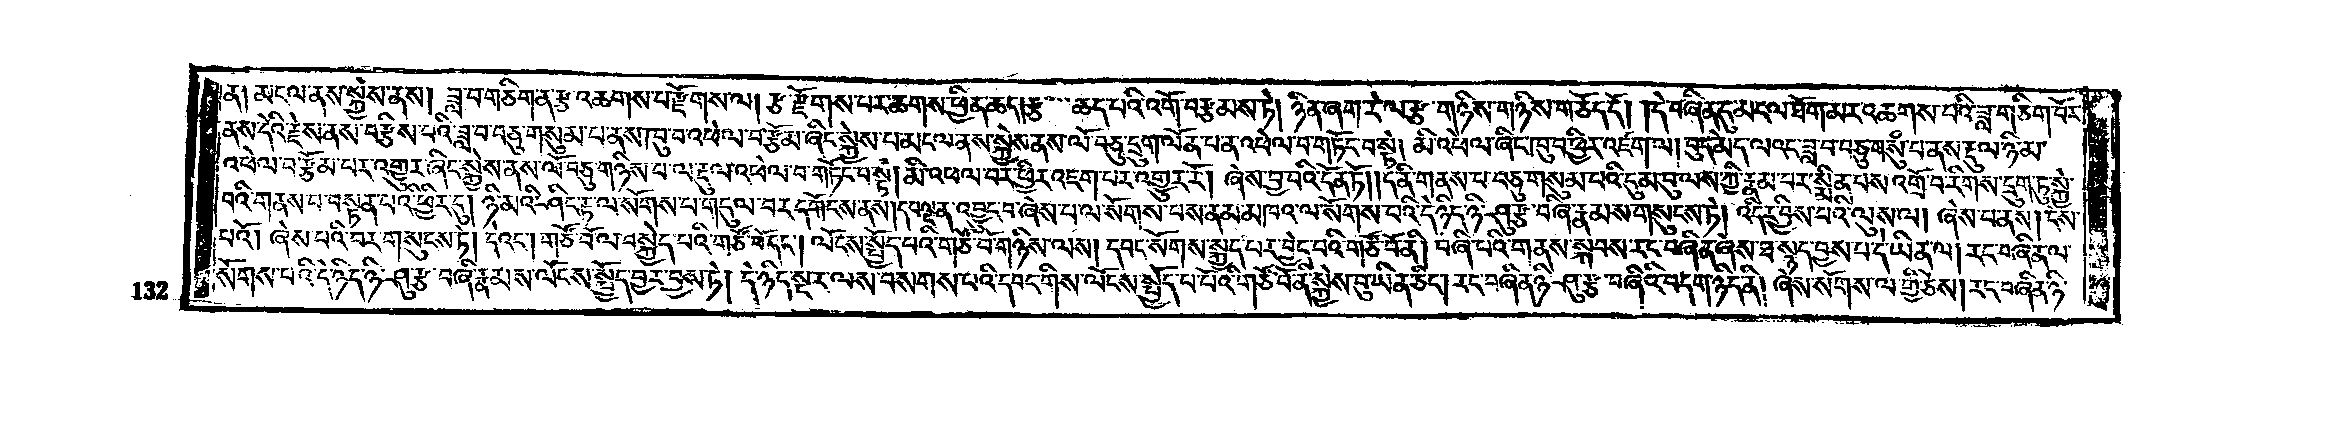ན། མངལ་ནས་སྐྱེས་ནས། ཟླ་བ་གཅིག་ན་རྩ་འཆགས་པ་རྫོགས་ལ། རྩ་རྫོགས་པར་ཆགས་ཕྱིན་ཆད། རྩ་ཆད་པའི་འགོ་བརྩམས་ཏེ། ཉིན་ཞག་རེ་ལ་རྩ་གཉིས་གཉིས་གཅོད་དོ། །དེ་བཞིན་དུ་མངལ་ཐོག་མར་འཆགས་པའི་ཟླ་གཅིག་བོར་
ནས་དེའི་རྗེས་ནས་བརྩིས་པའི་ཟླ་བ་བཅུ་གསུམ་པ་ནས་ཁུ་བ་འཕེལ་བ་རྩོམ་ཞིང་སྐྱེས་པ་མངལ་ནས་སྐྱེས་ནས་ལོ་བཅུ་དྲུག་ལོན་པ་ན་འཕེལ་བ་གཏོང་པ་སྟེ། མི་འཕེལ་ཞིང་ཁུ་བ་ཕྱིར་འཛག་ལ། བུད་མེད་ལའང་ཟླ་བ་བཅུ་གསུམ་པ་ནས་རྡུལ་ཉི་མ་
འཕེལ་བ་བརྩོམ་པར་འགྱུར་ཞིང་སྐྱེས་ནས་ལོ་བཅུ་གཉིས་པ་ལ་རྡུལ་འཕེལ་བར་གཏོང་བ་སྟེ། མི་འཕལ་བར་ཕྱིར་འཇག་པར་འགྱུར་རོ། ཞེས་བྱ་བའི་དོན་ཏོ། །ད་ནི་གནས་པ་བཅུ་གསུམ་པའི་དུམ་བུ་ལས་ཀྱི་རྣམ་པར་སྨིན་པས་འགྲོ་བ་རིགས་དྲུག་ཏུ་སྐྱེ་
བའི་གནས་པ་བསྟན་པའི་ཕྱིར་དུ། ཉི་མའི་ཤིང་རྟ་ལ་སོགས་པ་གདུལ་བར་དགོངས་ནས། དཔལ་ལྡན་འབྱུང་བ་ཞེས་པ་ལ་སོགས་པས་ནམ་མཁའ་ལ་སོགས་པའི་དེ་ཉིད་ཉི་ཤུ་རྩ་བཞི་རྣམས་གསུངས་ཏེ། འདིར་བྱིས་པའི་ལུས་ལ། ཞེས་པ་ནས། ངེས་
པའོ། ཞེས་པའི་བར་གསུངས་ཏེ། དེའང་། གཙོ་བོ་ལ་བསྐྱེད་པའི་གཙོ་བོ་དང་། ལོངས་སྤྱོད་པའི་གཙོ་བོ་གཉིས་ལས། དབང་སོགས་སྐྱད་པར་བྱེད་པའི་གཙོ་བོ་ནི། བཞི་པའི་གནས་སྐབས་རང་བཞིན་ཞེས་ཐ་སྙད་བྱས་པ་དེ་ཡིན་ལ། རང་བཞིན་ལ་
སོགས་པའི་དེ་ཉིད་ཉི་ཤུ་རྩ་བཞི་རྣམས་ལོངས་སྤྱོད་བྱར་བྱས་ཏེ། དེ་ཉིད་སྔར་ལས་བསགས་པའི་དབང་གིས་ལོངས་སྤྱོད་པ་པོའི་གཙོ་བོ་ནི་སྐྱེས་བུ་ཡིན་ཅིང་། རང་བཞིན་ཉི་ཤུ་རྩ་བཞིའི་བདག་ཉིད་ནི། ཞེས་སོགས་ལ་གྱི་ཅེས། རང་བཞིན་ཉི་